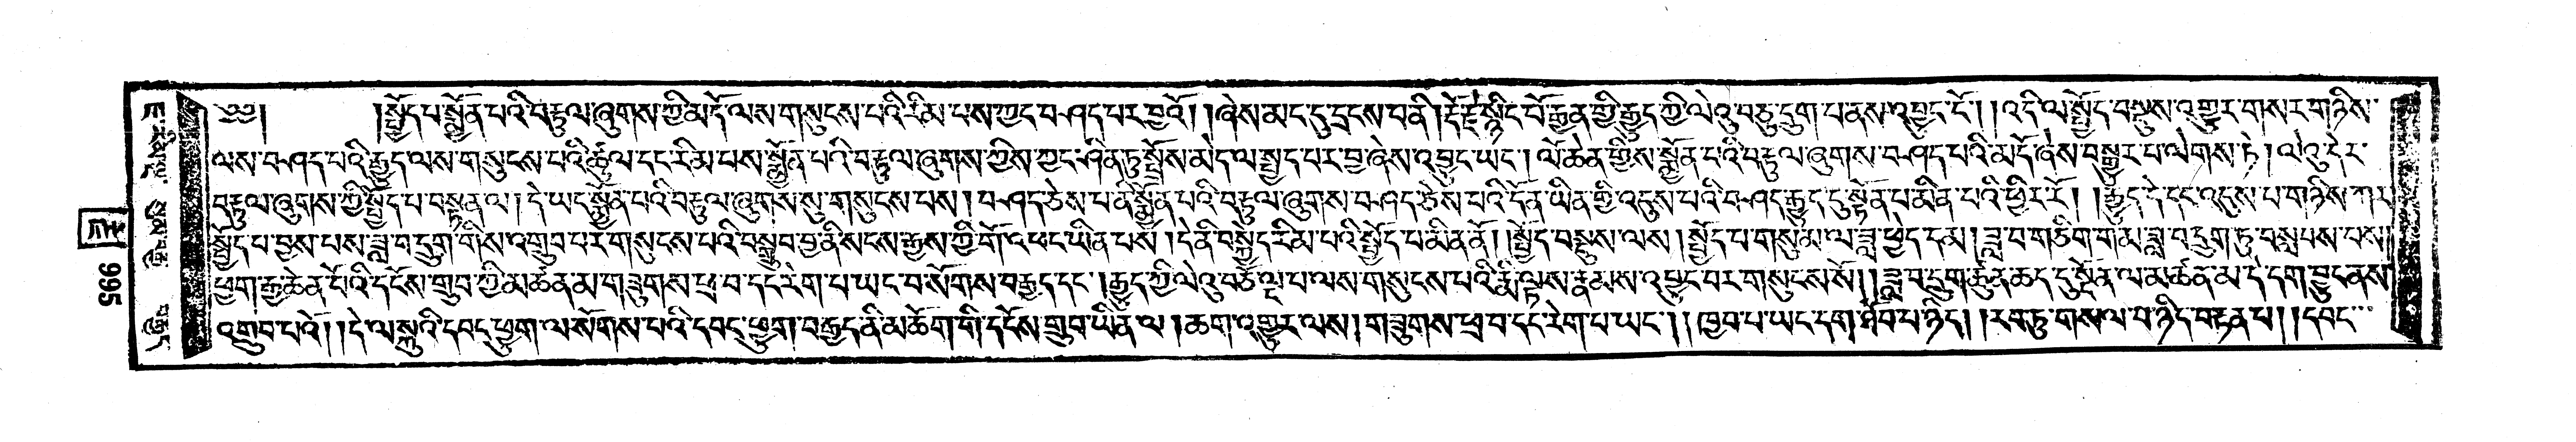༄༅། །སྤྱོད་པ་སྨྱོན་པའི་བརྟུལ་ཞུགས་ཀྱི་མདོ་ལས་གསུངས་པའི་རིམ་པས་ཀྱང་བཤད་པར་བྱའོ། །ཞེས་མང་དུ་དྲངས་པ་ནི། རྡོ་རྗེ་སྙིང་པོ་རྒྱན་གྱི་རྒྱུད་ཀྱི་ལེའུ་བཅུ་དྲུག་པ་ནས་འབྱུང་ངོ། །འདི་ལ་སྤྱོད་བསྡུས་འགྱུར་གསར་གཉིས་
ལས་བཤད་པའི་རྒྱུད་ལས་གསུངས་པའི་ཚུལ་དང་རིམ་པས་སྨྱོན་པའི་བརྟུལ་ཞུགས་ཀྱིས་ཀྱང་ཤིན་ཏུ་སྤྲོས་མེད་ལ་སྤྱད་པར་བྱ་ཞེས་འབྱུང་ཡང་། ལོ་ཆེན་གྱིས་སྨྱོན་པའི་བརྟུལ་ཞུགས་བཤད་པའི་མདོ་ཞེས་བསྒྱུར་བ་ལེགས་ཏེ། ལེའུ་དེར་
བརྟུལ་ཞུགས་ཀྱི་སྤྱོད་པ་བསྟན་ལ། དེ་ཡང་སྨྱོན་པའི་བརྟུལ་ཞུགས་སུ་གསུངས་པས། བཤད་ཅེས་པ་ནི་སྨྱོན་པའི་བརྟུལ་ཞུགས་བཤད་ཅེས་པའི་དོན་ཡིན་གྱི་འདུས་པའི་བཤད་རྒྱུད་དུ་སྟོན་པ་མིན་པའི་ཕྱིར་རོ། །རྒྱུད་དེ་དང་འདུས་པ་གཉིས་ཀར་
སྤྱོད་པ་བྱས་པས་ཟླ་བ་དྲུག་གིས་འགྲུབ་པར་གསུངས་པའི་བསྒྲུབ་བྱ་ནི་སངས་རྒྱས་ཀྱི་གོ་འཕང་ཡིན་པས། དེ་ནི་བསྐྱེད་རིམ་པའི་སྤྱོད་པ་མིན་ནོ། །སྤྱོད་བསྡུས་ལས། སྤྱོད་པ་གསུམ་ལ་ཟླ་ཕྱེད་དམ། ཟླ་བ་གཅིག་གམ་ཟླ་བ་དྲུག་ཏུ་བསླབས་པས་
ཕྱག་རྒྱ་ཆེན་པོའི་དངོས་གྲུབ་ཀྱི་མཚན་མ་གཟུགས་ཕྲ་བ་དང་རེག་པ་ཡང་བ་སོགས་བརྒྱད་དང་། རྒྱུད་ཀྱི་ལེའུ་བཅོ་ལྔ་པ་ལས་གསུངས་པའི་རྨི་ལྟས་རྣམས་འབྱུང་བར་གསུངས་སོ། །ཟླ་བ་དྲུག་ཚུན་ཆད་དུ་སྔོན་ལ་མཚན་མ་དེ་དག་བྱུང་ནས་
འགྲུབ་པའོ། །དེ་ལ་སྐུའི་དབང་ཕྱུག་ལ་སོགས་པའི་དབང་ཕྱུག་བརྒྱད་ནི་མཆོག་གི་དངོས་གྲུབ་ཡིན་ལ། ཆག་འགྱུར་ལས། གཟུགས་ཕྲ་བ་དང་རེག་པ་ཡང་། །ཁྱབ་པ་ཡང་དག་ཐོབ་པ་ཉིད། །རབ་ཏུ་གསལ་བ་ཉིད་བརྟན་པ། །དབང་